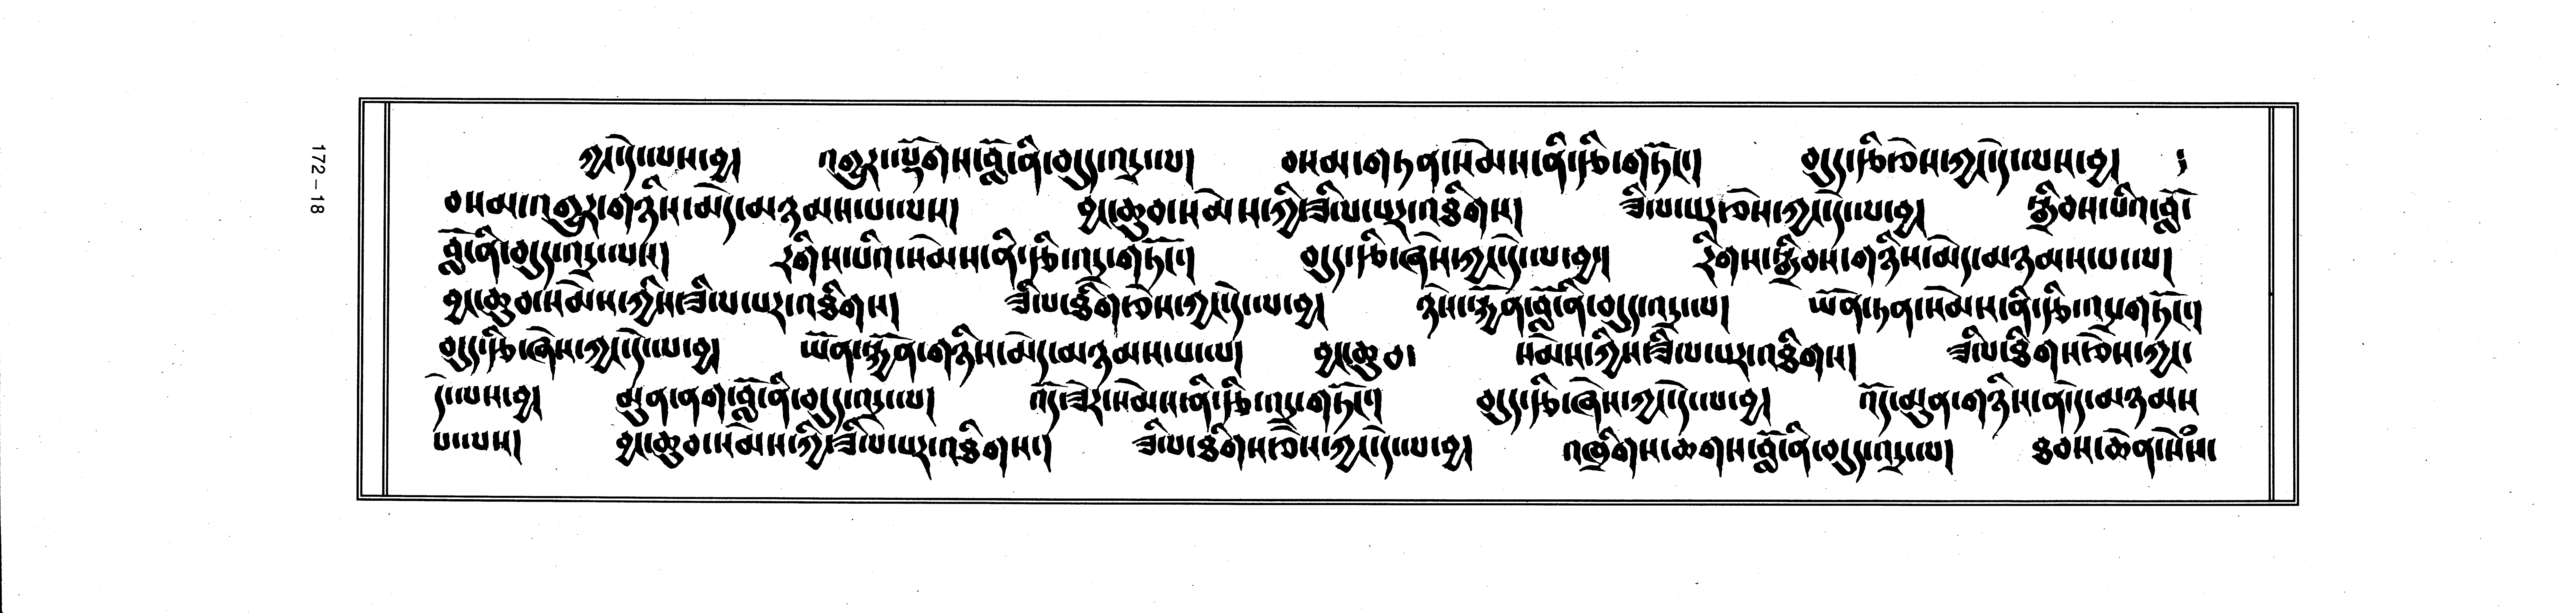ཀྱང་དེ་ལ་བྱ། འགྱུར་ལྡོག་བློ་ནི་བདུད་འདྲ་ལ། བསམ་གཏན་སེམས་ནི་རྩི་འདྲ་གཏོང་། བདུད་རྩི་ཅེས་ཀྱང་དེ་ལ་བྱ། 
བསམ་འགྱུར་གཉིས་མེད་མཉམ་པ་ལས། བྱང་ཆུབ་སེམས་ཀྱི་ཟིལ་པར་འཐིགས། ཟིལ་པར་ཅེས་ཀྱང་དེ་ལ་བྱ། སྒྲིབས་པའི་བློ་
བློ་ནི་བདུད་འདྲ་ལ། རིགས་པའི་སེམས་ནི་རྩི་འདྲ་གཏོང་། བདུད་རྩི་ཀྱང་དེ་ལ་བྱ། རིག་སྒྲིབས་གཉིས་མེད་མཉམས་པ་ལས། 
བྱང་ཆུབ་སེམས་ཀྱི་ཟིལ་པར་འཐིགས། ཟིལ་ཐིག་ཅེས་ཀྱང་དེ་ལ་བྱ། ཉེས་སྐྱོན་བློ་ནི་བདུད་འདྲ་ལ། ཡོན་ཏན་སེམས་ནི་རྩི་འདྲ་གཏོང་། 
བདུད་རྩི་ཞེས་ཀྱང་དེ་ལ་བྱ། སྐྱོན་ཡོན་གཉིས་མེད་མཉམས་པ་ལས། བྱང་ཆུབ་སེམས་ཀྱི་ཟིལ་པར་འཐིགས། ཟིལ་ཐིགས་ཅེས་ཀྱང་
དེ་ལ་བྱ། མུན་ནག་བློ་ནི་བདུད་འདྲ་ལ། འོད་ཟེར་སེམས་ནི་རྩི་འདྲ་གཏོང་། བདུད་རྩི་ཞེས་ཀྱང་དེ་ལ་བྱ། འོད་མུན་གཉིས་ན་དེ་མཉམས་
ལས། བྱང་ཆུབ་སེམས་ཀྱི་ཟིལ་པར་འཐིགས། ཟིལ་ཐིགས་ཅེས་ཀྱང་དེ་ལ་བྱ། འཁྲིགས་ཆགས་བློ་ནི་བདུད་འདྲ་ལ། ཐབས་ཆེན་སེམས་